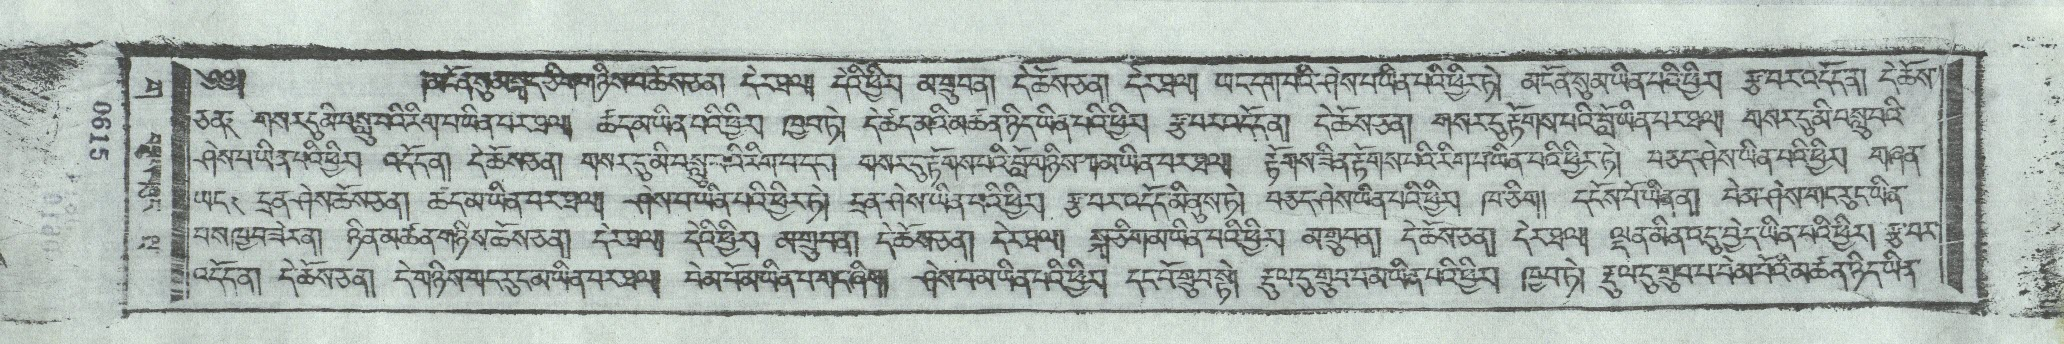༄༅། །མངོན་སུམ་སྐད་ཅིག་གཉིས་པ་ཆོས་ཅན། དེར་ཐལ། དེའི་ཕྱིར། མ་གྲུབ་ན། དེ་ཆོས་ཅན། དེར་ཐལ། ཡང་དག་པའི་ཤེས་པ་ཡིན་པའི་ཕྱིར་ཏེ། མངོན་སུམ་ཡིན་པའི་ཕྱིར། རྩ་བར་འདོད་ན། དེ་ཆོས་
ཅན༑ གསར་དུ་མི་བསླུ་བའི་རིག་པ་ཡིན་པར་ཐལ། ཚད་མ་ཡིན་པའི་ཕྱིར། ཁྱབ་ཏེ། དེ་ཚད་མའི་མཚན་ཉིད་ཡིན་པའི་ཕྱིར། རྩ་བར་འདོད་ན། དེ་ཆོས་ཅན། གསར་དུ་རྟོགས་པའི་བློ་ཡིན་པར་ཐལ། གསར་དུ་མི་བསླུ་བའི་
ཤེས་པ་ཡིན་པའི་ཕྱིར། འདོད་ན། དེ་ཆོས་ཅན། གསར་དུ་མི་བསླུ་བའི་རིག་པ་དང་། གསར་དུ་རྟོགས་པའི་བློ་གཉིས་ཀ་མ་ཡིན་པར་ཐལ། རྟོགས་ཟིན་རྟོགས་པའི་རིག་པ་ཡིན་པའི་ཕྱིར་ཏེ། བཅད་ཤེས་ཡིན་པའི་ཕྱིར། གཞན་
ཡང༑ དྲན་ཤེས་ཆོས་ཅན། ཚང་མ་ཡིན་པར་ཐལ། ཤེས་པ་ཡིན་པའི་ཕྱིར་ཏེ། དྲན་ཤེས་ཡིན་པའི་ཕྱིར། རྩ་བར་འདོད་མི་ནུས་ཏེ། བཅད་ཤེས་ཡིན་པའི་ཕྱིར། ཁ་ཅིག། དངོས་པོ་ཡིན་ན། བེམ་ཤེས་གང་རུང་ཡིན་
པས་ཁྱབ་ཟེར་ན། ཉིན་མཚན་གཉིས་ཆོས་ཅན། དེར་ཐལ། དེའི་ཕྱིར། མ་གྲུབ་ན། དེ་ཆོས་ཅན། དེར་ཐལ། སྐ་ཙིག་མ་ཡིན་པའི་ཕྱིར། མ་གྲུབ་ན། དེ་ཆོས་ཅན། དེར་ཐལ། ལྡན་མིན་འདུ་བྱེད་ཡིན་པའི་ཕྱིར། རྩ་བར་
འདོད་ན། དེ་ཆོས་ཅན། དེ་གཉིས་གང་རུང་མ་ཡིན་པར་ཐལ། བེམ་པོ་མ་ཡིན་པ་གང་ཞིག། ཤེས་པ་མ་ཡིན་པའི་ཕྱིར། དང་པོ་གྲུབ་སྟེ། རྡུལ་དུ་གྲུབ་བ་མ་ཡིན་པའི་ཕྱིར། ཁྱབ་ཏེ། རྡུལ་དུ་གྲུབ་པ་བེམ་པོའི་མཚན་ཉིད་ཡིན་